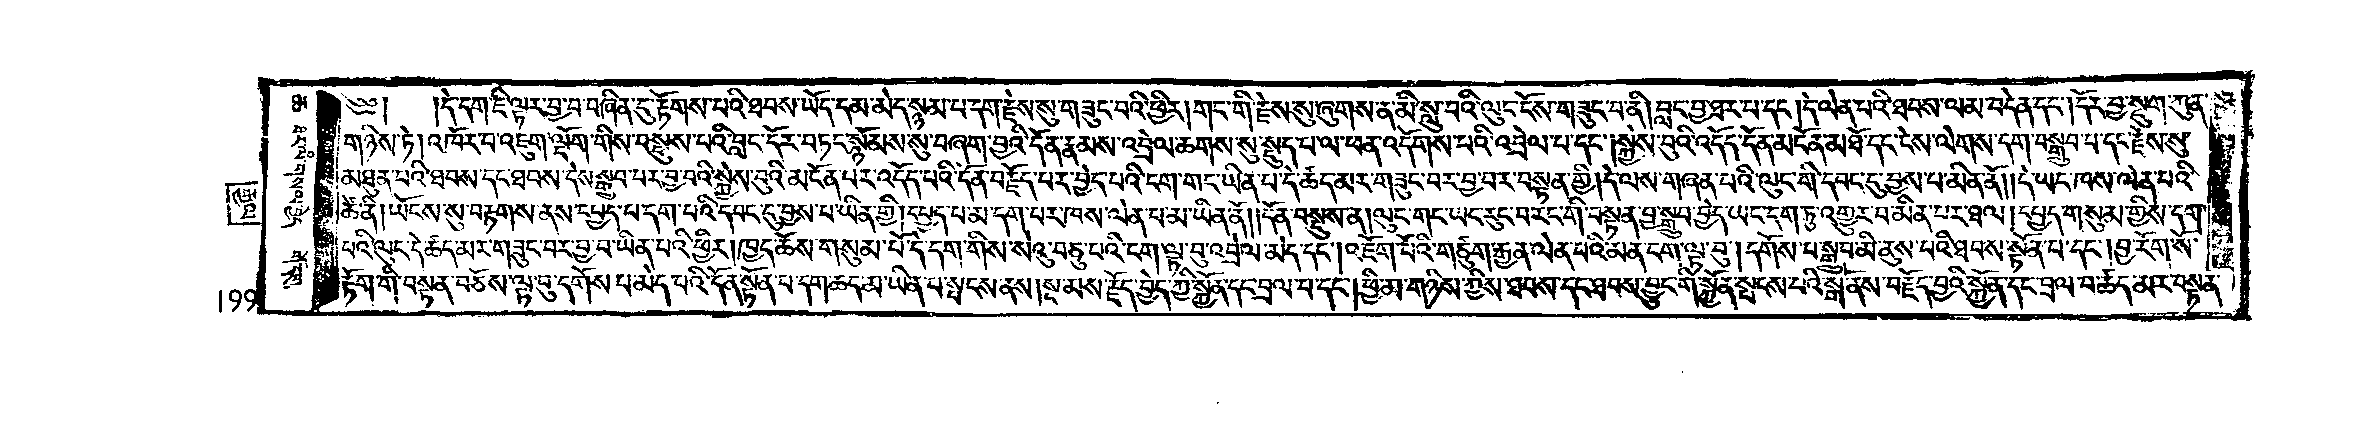༄༅། །དེ་དག་ཇི་ལྟར་བྱ་བ་བཞིན་དུ་རྟོགས་པའི་ཐབས་ཡོད་དམ་མེད་སྙམ་པ་དག་རྗེས་སུ་གཟུང་བའི་ཕྱིར། གང་གི་རྗེས་སུ་ཞུགས་ན་མི་སླུ་བའི་ལུང་ངོས་གཟུང་བ་ནི། བླང་བྱ་ཐར་པ་དང་། དེ་ལེན་པའི་ཐབས་ལམ་བདེན་དང་། དོར་བྱ་སྡུག་ཀུན་
གཉིས་ཏེ། འཁོར་བ་འཇུག་ལྡོག་གིས་བསྡུས་པའི་བླང་དོར་བཏང་སྙོམས་སུ་བཞག་བྱའི་དོན་རྣམས་འབྲེལ་ཆགས་སུ་སྡུད་པ་ལ་ཕན་འདོགས་པའི་འབྲེལ་པ་དང་། སྐྱེས་བུའི་འདོད་དོན་མངོན་མཐོ་དང་ངེས་ལེགས་དག་བསྒྲུབ་པ་དང་རྗེས་སུ་
མཐུན་པའི་ཐབས་དང་ཐབས་དེས་སྒྲུབ་པར་བྱ་བའི་སྐྱེས་བུའི་མངོན་པར་འདོད་པའི་དོན་བརྗོད་པར་བྱེད་པའི་ངག་གང་ཡིན་པ་དེ་ཚད་མར་གཟུང་བར་བྱ་བར་བསྟན་གྱི། དེ་ལས་གཞན་པའི་ལུང་གི་དབང་དུ་བྱས་པ་མིན་ནོ། །དེ་ཡང་ཁས་ལེན་པའི་
ཚེ་ནི། ཡོངས་སུ་བརྟགས་ནས་དཔྱད་པ་དག་པའི་དབང་དུ་བྱས་པ་ཡིན་གྱི། དཔྱད་པ་མ་དག་པར་ཁས་ལེན་པ་མ་ཡིན་ནོ། །དོན་བསྡུས་ན། ལུང་གང་ཡང་རུང་བ་རང་གི་བསྟན་བྱ་སྒྲུབ་བྱེད་ཡང་དག་ཏུ་འགྱུར་བ་མིན་པར་ཐལ། དཔྱད་གསུམ་གྱིས་དག་
པའི་ལུང་དེ་ཚད་མར་གཟུང་བར་བྱ་བ་ཡིན་པའི་ཕྱིར། ཁྱད་ཆོས་གསུམ་པོ་དེ་དག་གིས་སེའུ་བཅུ་པའི་ངག་ལྟ་བུ་འབྲེལ་མེད་དང་། འཇོག་པོའི་གཙུག་རྒྱན་ལེན་པའི་མན་ངག་ལྟ་བུ། དགོས་པ་སྒྲུབ་མི་ནུས་པའི་ཐབས་སྟོན་པ་དང་། བྱ་རོག་སོ་
རྟོག་གི་བསྟན་བཅོས་ལྟ་བུ་དགོས་པ་མེད་པའི་དོན་སྟོན་པ་དག་ཚད་མ་ཡིན་པ་སྤངས་ནས། སྔ་མས་རྗོད་བྱེད་ཀྱི་སྐྱོན་དང་བྲལ་བ་དང་། ཕྱི་མ་གཉིས་ཀྱིས་ཐབས་དང་ཐབས་བྱུང་གི་སྐྱོན་སྤངས་པའི་སྒོ་ནས་བརྗོད་བྱའི་སྐྱོན་དང་བྲལ་བ་ཚད་མར་བསྟན་